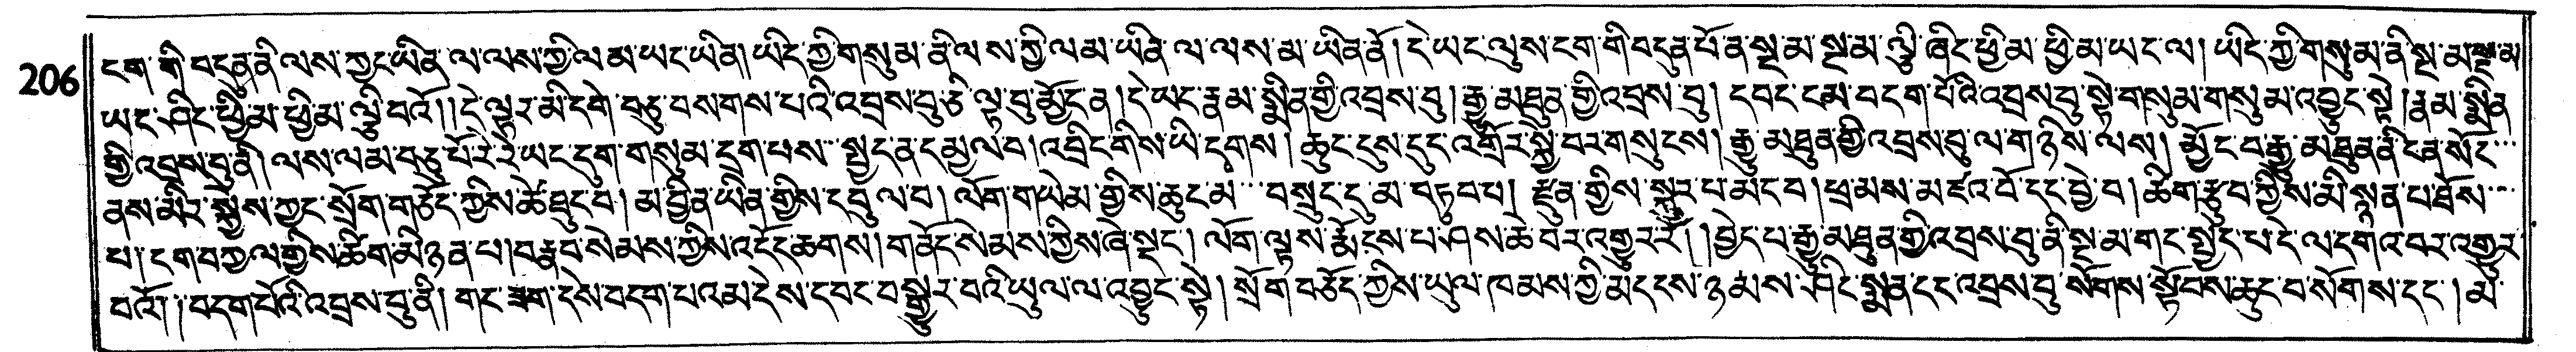ངག་གི་བདུན་ནི་ལས་ཀྱང་ཡིན་ལ་ལས་ཀྱི་ལམ་ཡང་ཡིན། ཡིད་ཀྱི་གསུམ་ནི་ལས་ཀྱི་ལམ་ཡིན་ལ་ལས་མ་ཡིན་ནོ། དེ་ཡང་ལུས་ངག་གི་བདུན་པོ་ན་སྔ་མ་སྔ་མ་ལྕི་ཞིང་ཕྱི་མ་ཕྱི་མ་ཡང་ལ། ཡིད་ཀྱི་གསུམ་ནི་སྔ་མ་སྔ་མ་
ཡང་ཤིང་ཕྱི་མ་ཕྱི་མ་ལྕི་བའོ། །དེ་ལྟར་མི་དགེ་བཅུ་བསགས་པའི་འབྲས་བུ་ཅི་ལྟ་བུ་མྱོང་ན། དེ་ཡང་རྣམ་སྨིན་གྱི་འབྲས་བུ། རྒྱུ་མཐུན་གྱི་འབྲས་བུ། དབང་ངམ་བདག་པོའི་འབྲས་བུ་སྟེ་གསུམ་གསུམ་འབྱུང་སྟེ། རྣམ་སྨིན་
གྱི་འབྲས་བུ་ནི། ལས་ལམ་བཅུ་པོ་རེ་རེ་ཡང་དུག་གསུམ་དྲག་པས་སྤྱད་ན་དམྱལ་བ། འབྲིང་གིས་ཡི་དྭགས། ཆུང་ངུས་དུད་འགྲོར་སྐྱེ་བར་གསུངས། རྒྱུ་མཐུན་གྱི་འབྲས་བུ་ལ་གཉིས་ལས། མྱོང་བ་རྒྱུ་མཐུན་ནི་ངན་སོང་
ནས་མིར་སྐྱེས་ཀྱང་སྲོག་གཅོད་ཀྱིས་ཚེ་ཐུང་བ། མ་བྱིན་ཡིན་གྱིས་དབུལ་བ། ལོག་གཡེམ་གྱིས་ཆུང་མ་བསྲུང་དུ་མ་བཏུབ་པ། རྫུན་གྱིས་སྐུར་པ་མང་བ། ཕྲ་མས་མཛའ་བོ་དང་བྱེ་བ། ཚིག་རྩུབ་ཀྱིས་མི་སྙན་པ་ཐོས་
པ༑ ངག་བཀྱལ་གྱིས་ཚིག་མི་ཉན་པ། བརྣབ་སེམས་ཀྱིས་འདོད་ཆགས། གནོད་སེམས་ཀྱིས་ཞེ་སྡང་། ལོག་ལྟས་རྨོངས་པ་ཤས་ཆེ་བར་འགྱུར་རོ། །བྱེད་པ་རྒྱུ་མཐུན་གྱི་འབྲས་བུ་ནི་སྔ་མ་གང་སྤྱད་པ་དེ་ལ་དགའ་བར་འགྱུར་
བའོ༑ ༑བདག་པོའི་འབྲས་བུ་ནི། གང་ཟག་དེས་བདག་པའམ་དེས་དབང་བསྒྱུར་བའི་ཡུལ་ལ་འབྱུང་སྟེ། སྲོག་བཅོད་ཀྱིས་ཡུལ་ཁམས་ཀྱི་མདངས་ཉམས་ཤིང་སྨན་དང་འབྲས་བུ་སོགས་སྟོབས་ཆུང་བ་སོགས་དང་། མ་